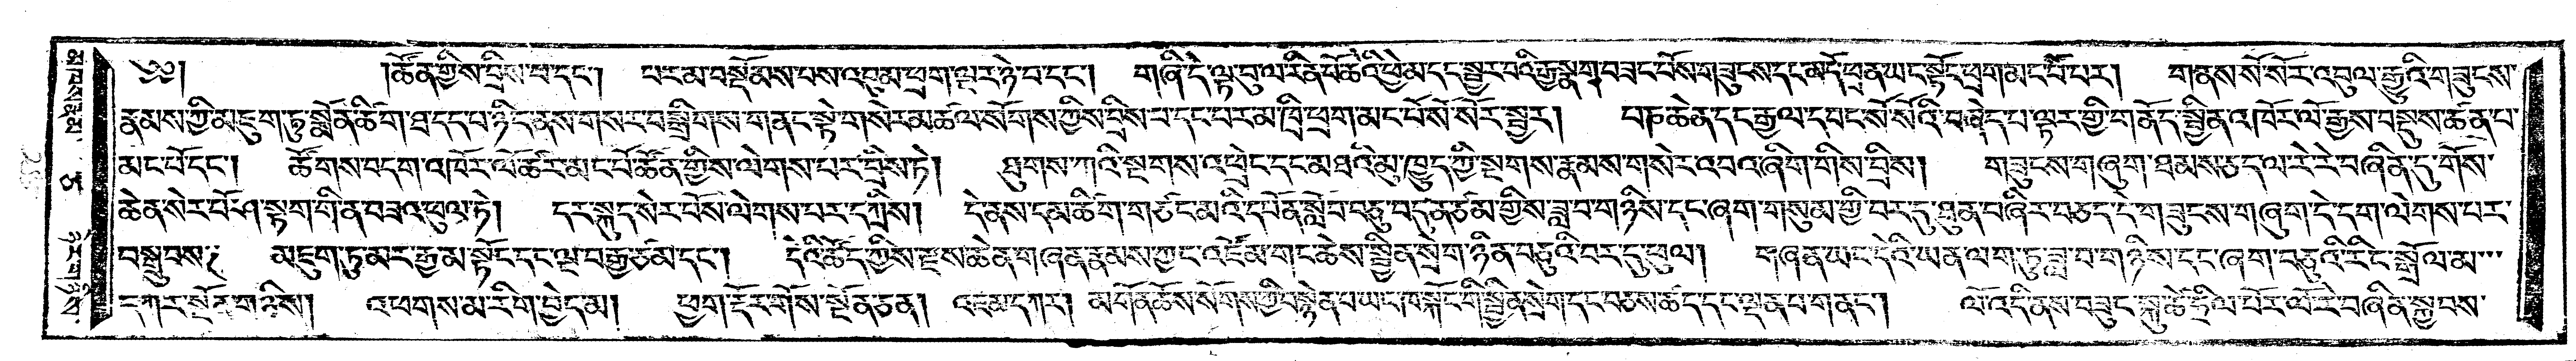༄༅། །ཚོན་གྱིས་བྲིས་པ་དང་། བར་མ་བསྡོམས་པས་འབུམ་ཕྲག་ལྔར་ཉེ་བ་དང་། གཞི་དེ་ལྟ་བུ་ལ་རིན་པོ་ཆེའི་ཕྱེ་མ་དང་སྦྱར་བའི་རྒྱ་སྣག་བཟང་བོས་གཟུངས་དང་མདོ་ཕྲན་ཡང་སྟོང་ཕྲག་མང་བོ་པར། གནས་སོ་སོར་འབུལ་རྒྱུའི་གཟུངས་
རྣམས་ཀྱི་མཇུག་ཏུ་སྨོན་ཚིག་ཐ་དད་པ་ཉིད་ནས་གསར་བསྒྲིགས་གནང་སྟེ་གསེར་མཚལ་སོགས་ཀྱིས་བྲིས་པ་དང་ཕར་མ་ཁྲི་ཕྲག་མང་བོ་སོ་སོར་སྦྱར། པཎ་ཆེན་དང་རྒྱལ་དབང་སོ་སོའི་བཞེད་པ་ལྟར་གྱི་གནོད་སྦྱིན་འཁོར་ལོ་རྒྱས་བསྡུས་ཚན་པ་
མང་པོ་དང་། ཚོགས་བདག་འཁོར་ལོ་ཚར་མང་པོ་ཚོན་གྱིས་ལེགས་པར་བྲིས་ཏེ། ཐུགས་ཀའི་སྔགས་འཕྲེང་དང་མཐའི་མུ་ཁྱུད་ཀྱི་སྔགས་རྣམས་གསེར་འབའ་ཞིག་གིས་བྲིས། གཟུངས་གཞུག་ཐམས་ཅད་ལ་རེ་རེ་བཞིན་དུ་གོས་
ཆེན་སེར་པོ་ཤ་སྟག་གི་ན་བཟའ་ཕུལ་ཏེ། དར་སྐུད་སེར་པོས་ལེགས་པར་དཀྲིས། དེ་ནས་དམ་ཚིག་གཙང་མའི་དཔོན་སློབ་བཅུ་བདུན་ཙམ་གྱིས་ཟླ་བ་གཉིས་དང་ཞག་གསུམ་གྱི་བར་དུ་ཐུན་བཞིར་བཅད་དེ་གཟུངས་གཞུག་དེ་དག་ལེགས་པར་
བསྒྲུབས༑ མཇུག་ཏུ་མར་རྒྱ་མ་སྟོང་དང་ལྔ་བརྒྱ་ཙམ་དང་། དེའི་ཚོད་ཀྱིས་རྫས་ཆེན་གཞན་རྣམས་ཀྱང་འཛོམ་གང་ཆེས་སྦྱིན་སྲེག་ཉིན་བཅུའི་བར་དུ་ཕུལ། གཞན་ཡང་དེའི་ཡན་ལག་ཏུ་ཟླ་བ་གཉིས་དང་ཞག་བཅུའི་རིང་སྒྲོལ་མ་
དཀར་སྔོན་གཉིས། འཕགས་མ་རིག་བྱེད་མ། ཕྱག་རྡོར་གོས་སྔོན་ཅན། འཇམ་དཀར། མགོན་ཆོས་སོགས་ཀྱི་བསྙེན་པ་ཡང་ཁ་སྐོང་གི་སྦྱིན་སྲེག་དང་བཅས་ཚད་དང་ལྡན་པ་གནང་། ལོ་འདི་ནས་བཟུང་སྐུ་ཚེ་ཧྲིལ་པོར་ལོ་རེ་བཞིན་སྐྱབས་